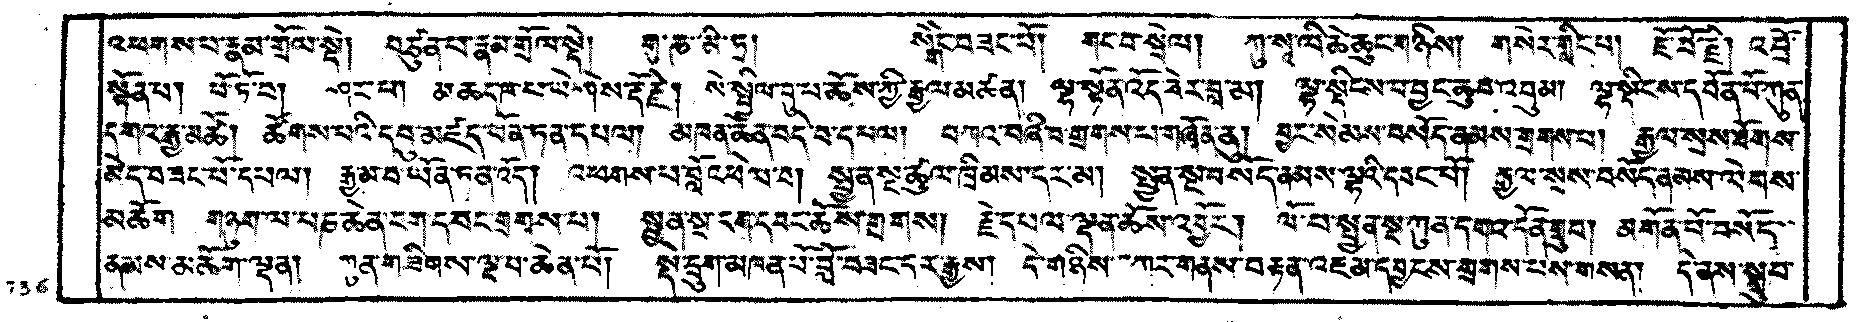འཕགས་པ་རྣམ་གྲོལ་སྡེ། བཙུན་པ་རྣམ་གྲོལ་སྡེ། གུ་ཎ་མི་ཏྲ། སེངྒེ་བཟང་པོ། གང་བ་སྤེལ། ཀུ་སཱ་ལི་ཆེ་ཆུང་གཉིས། གསེར་གླིང་པ། ཇོ་བོ་རྗེ། འབྲོཾ་
སྟོན་པ། པོ་ཏོ་བ། ཤར་པ། མཆད་ཁ་པ་ཡེ་ཤེས་རྡོ་རྗེ། སེ་སྤྱིལ་བུ་པ་ཆོས་ཀྱི་རྒྱལ་མཚན། ལྷ་སྟོན་འོད་ཟེར་བླ་མ། ལྷ་སྡིངས་པ་བྱང་ཆུབ་འབུམ། ལྷ་སྡིངས་དབོན་པོ་ཀུན་
དགའ་རྒྱ་མཚོ། ཚོགས་པའི་དབུ་མཛད་ཡོན་ཏན་དཔལ། མཁན་ཆེན་བདེ་བ་དཔལ། བཀའ་བཞི་བ་གྲགས་པ་གཞོན་ནུ། བྱང་སེམས་བསོད་ནམས་གྲགས་པ། རྒྱལ་སྲས་ཐོགས་
མེད་བཟང་པོ་དཔལ། རྒྱ་མ་བ་ཡོན་ཏན་འོད། འཕགས་པ་བློ་འཕེལ་བ། སྤྱན་སྔ་ཚུལ་ཁྲིམས་དར་མ། སྤྱན་སྔ་བསོད་ནམས་ལྷའི་དབང་པོ། རྒྱལ་སྲས་བསོད་ནམས་ལེགས་
མཆོག་གཉུག་ལ་པཎ་ཆེན་ངག་དབང་གྲགས་པ། སྤྱན་སྔ་ངག་དབང་ཆོས་གྲགས། རྗེ་དཔལ་ལྡན་ཆོས་འབྱོར། ལོ་པ་སྤྱན་སྔ་ཀུན་དགའ་དོན་གྲུབ། མགོན་པོ་བསོད་
ནམས་མཆོག་ལྡན། ཀུན་གཟིགས་ལྔ་པ་ཆེན་པོ། སྡེ་དྲུག་མཁན་པོ་བློ་བཟང་དར་རྒྱས། དེ་གཉིས་ཀར་གནས་བརྟན་འཇམ་དབྱངས་གྲགས་པས་གསན། དེ་ནས་སྒྲུབ་